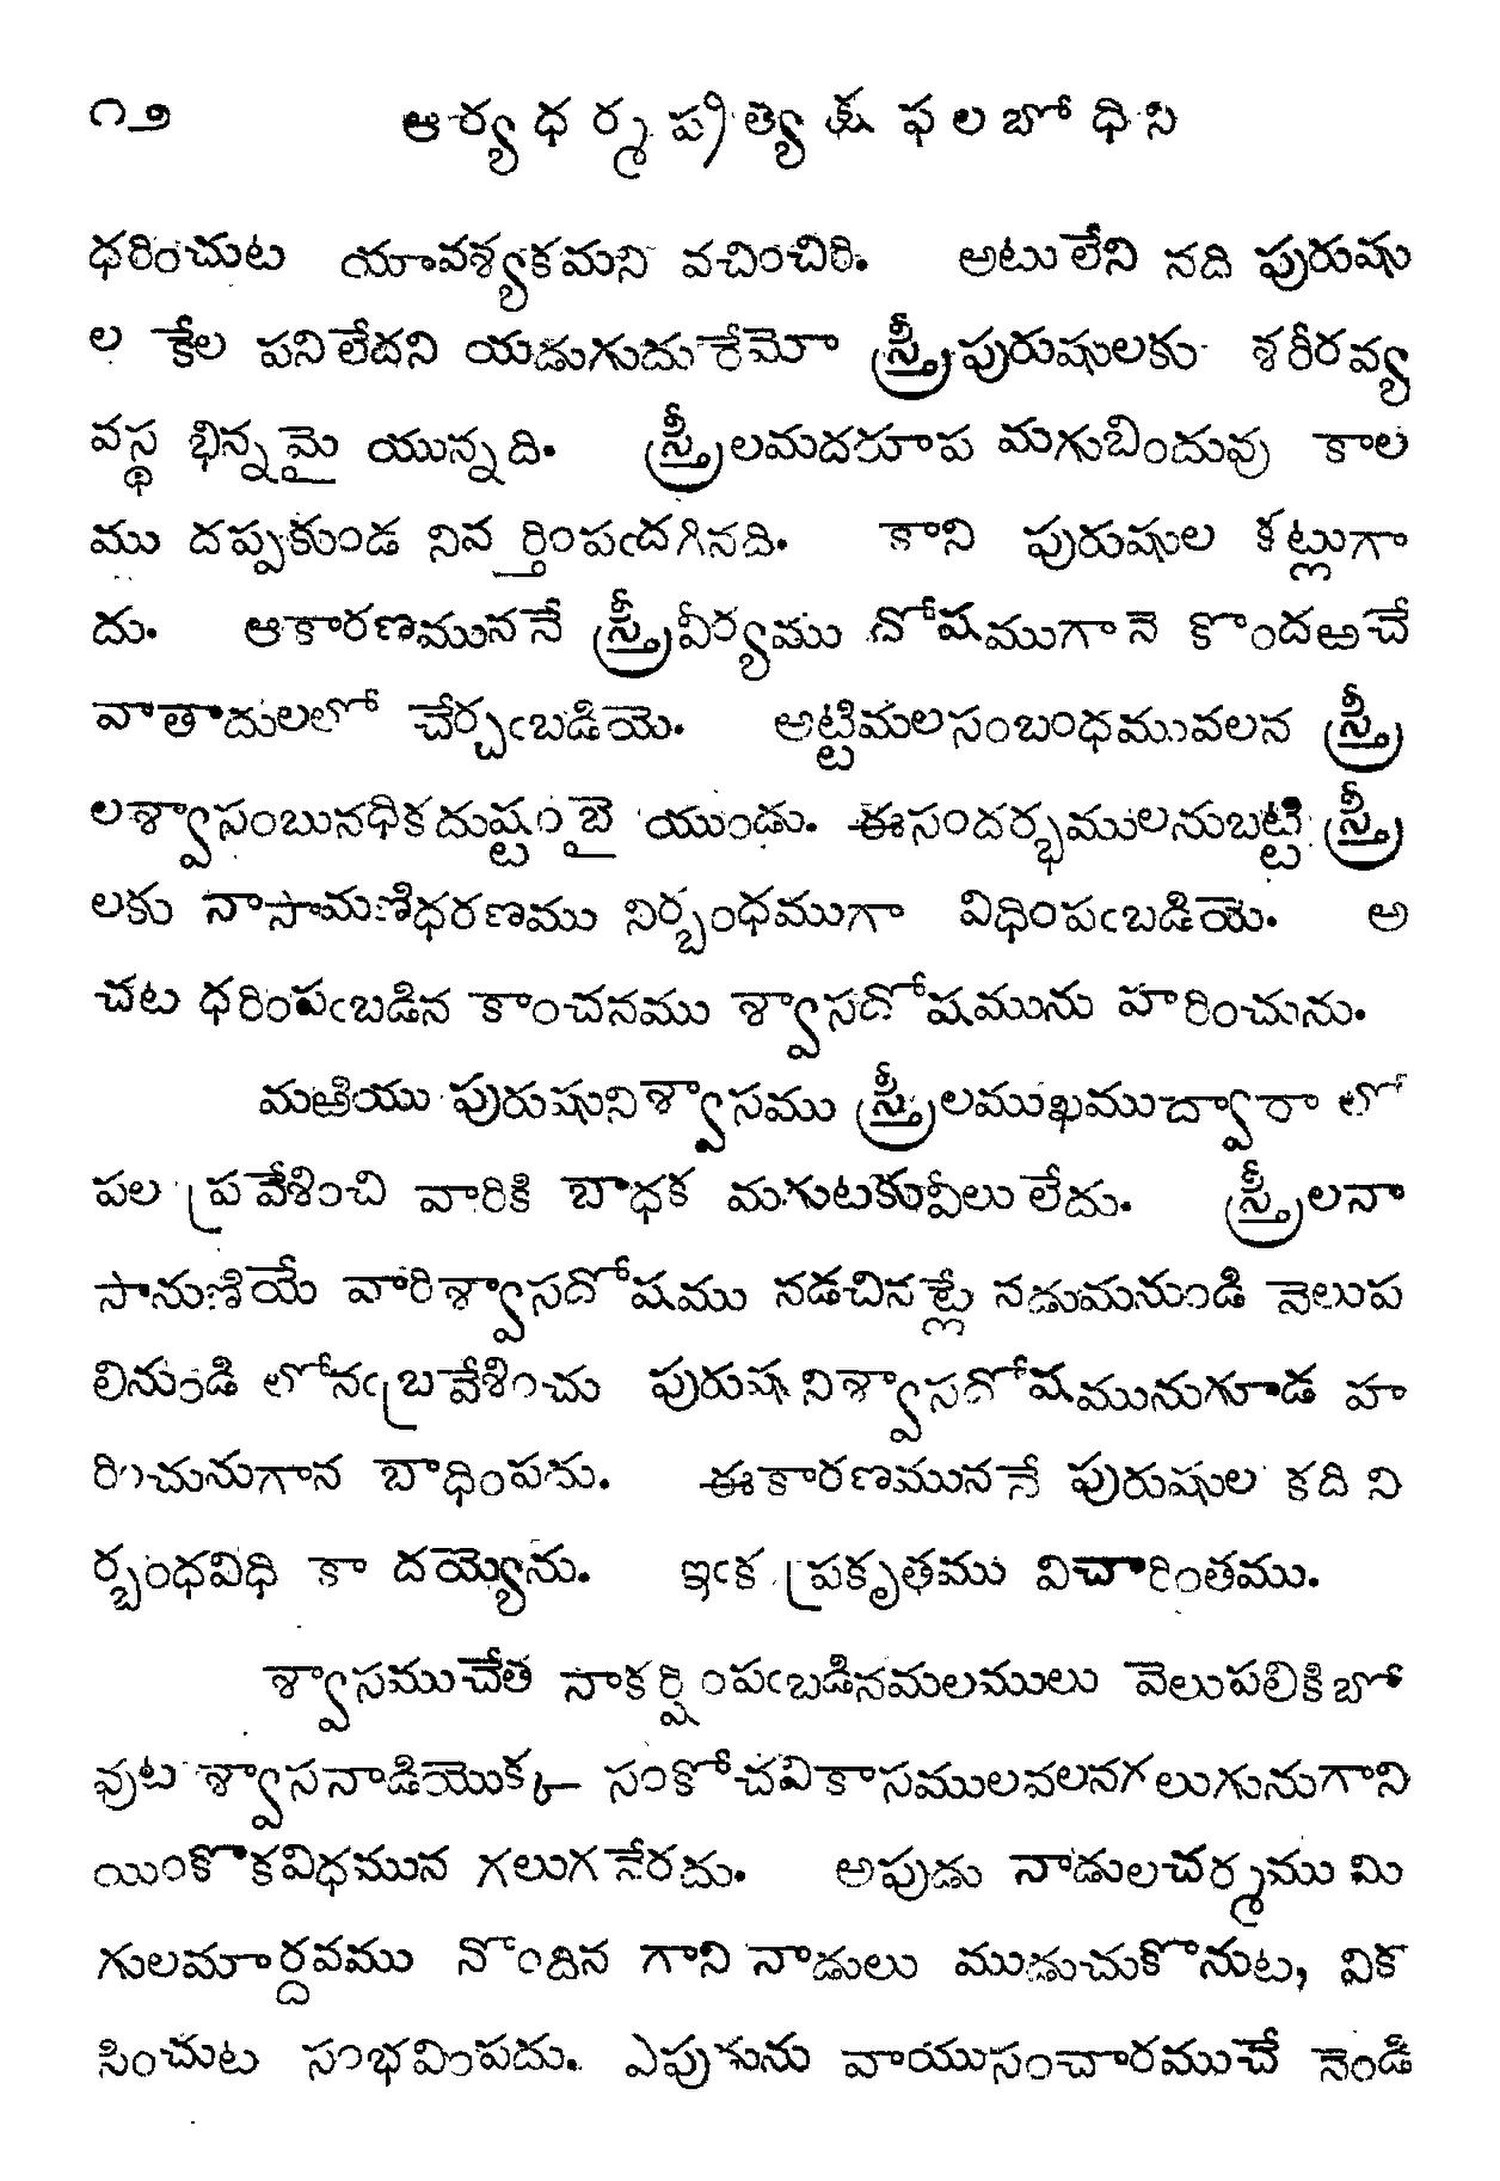ధరించుట యావశ్యకమని వచించిరి. అటులేని నది పురుషుల కేల పనిలేదని యడుగుదురేమో స్త్రీపురుషులకు శరీరవ్యవస్థ భిన్నమై యున్నది. స్త్రీలమదరూప మగుబిందువు కాలము దప్పకుండ నివర్తింపఁదగినది. కాని పురుషుల కట్లుగాదు. ఆకారణముననే స్త్రీవీర్యము దోషముగానె కొందఱచే
వాతాదులలో చేర్చఁబడియె. అట్టిమలసంబంధమువలన స్త్రీలశ్వాసంబునధికదుష్టంబై యుండు. ఈసందర్భములనుబట్టి స్త్రీలకు నాసామణిధరణము నిర్బంధముగా విధింపఁబడియె. అచట ధరింపఁబడిన కాంచనము శ్వాసదోషమును హరించును.

మఱియు పురుషునిశ్వాసము స్త్రీలముఖముద్వారా లోపల ప్రవేశించి వారికి బాధక మగుటకువీలులేదు. స్త్రీలనాసానుణియే వారిశ్వాసదోషము నడచినట్లే నడుమనుండి వెలుపలినుండి లోనఁబ్రవేశించు పురుషునిశ్వాసదోషమునుగూడ హరించునుగాన బాధింపదు. ఈకారణముననే పురుషుల కది నిర్బంధవిధి కా దయ్యెను. ఇఁక ప్రకృతము విచారింతము.

శ్వాసముచేత నాకర్షింపఁబడినమలములు వెలుపలికిబోవుట శ్వాసనాడియొక్క సంకోచవికాసములవలన గలుగునుగాని యింకొకవిధమున గలుగనేరదు. అపుడు నాడులచర్మము మిగులమార్దవము నొందిన గాని నాడులు ముడుచుకొనుట, వికసించుట సంభవింపదు. ఎపుడును వాయుసంచారముచే నెండి